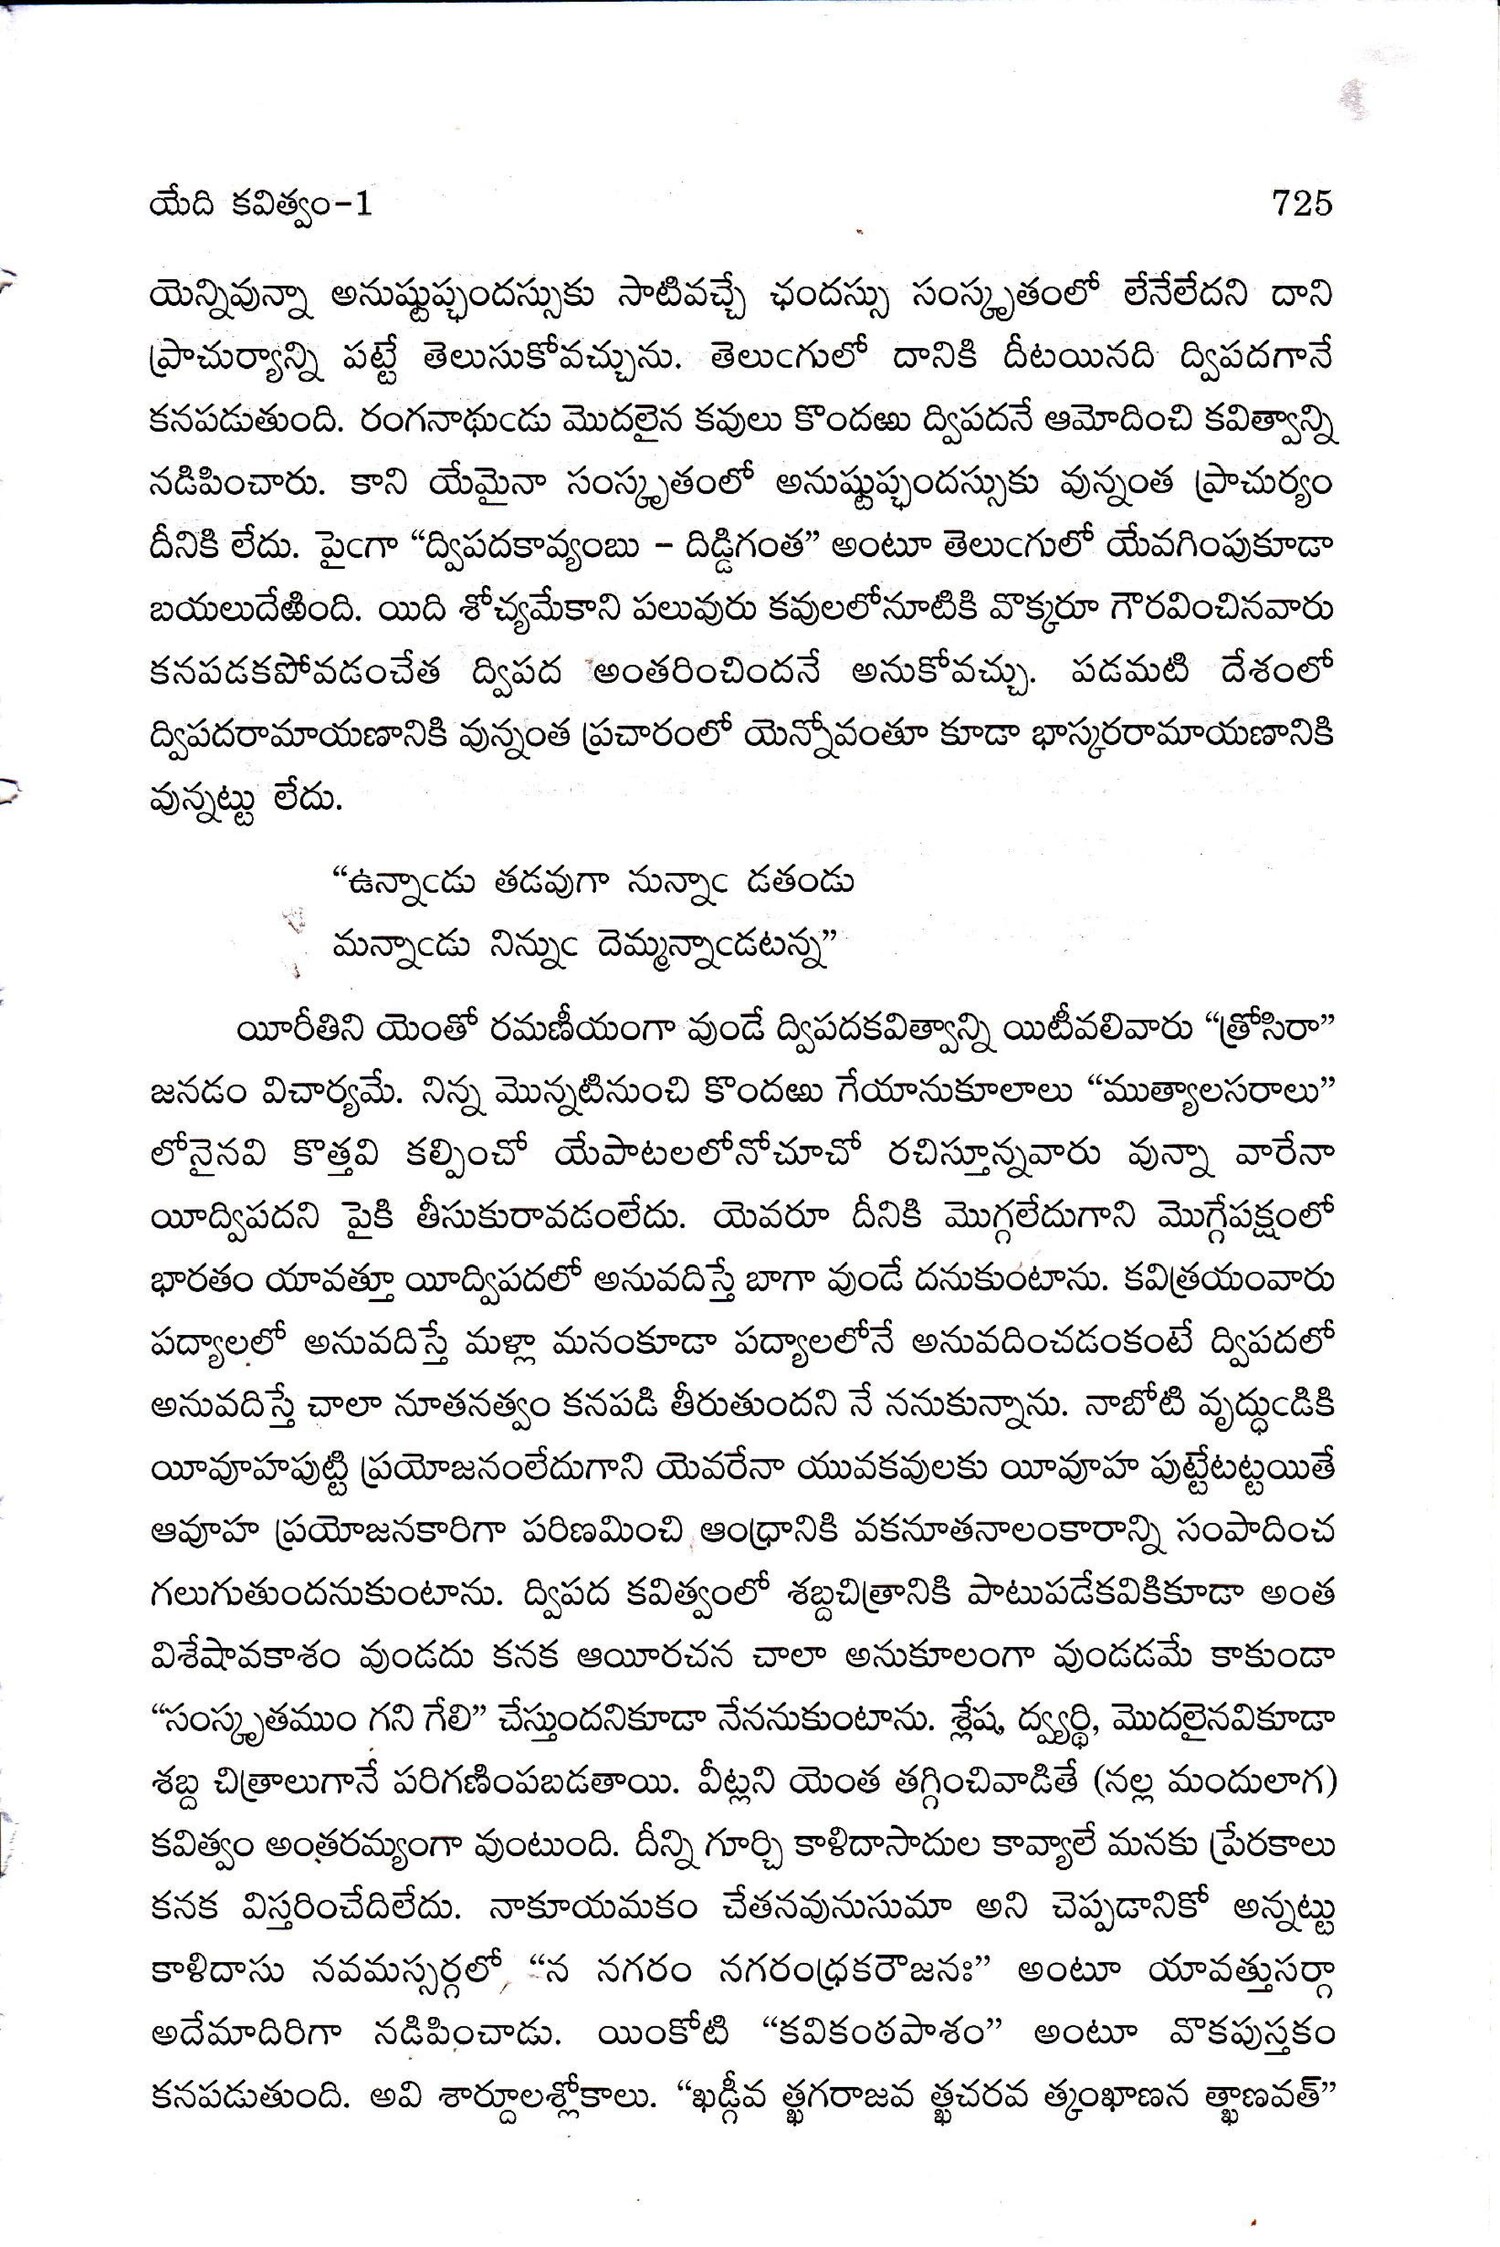యెన్నివున్నా అనుష్టుప్ఛందస్సుకు సాటివచ్చే ఛందస్సు సంస్కృతంలో లేనేలేదని దాని ప్రాచుర్యాన్ని పట్టే తెలుసుకోవచ్చును. తెలుఁగులో దానికి దీటయినది ద్విపదగానే కనపడుతుంది. రంగనాథుఁడు మొదలైన కవులు కొందఱు ద్విపదనే ఆమోదించి కవిత్వాన్ని నడిపించారు. కాని యేమైనా సంస్కృతంలో అనుష్టుప్ఛందస్సుకు వున్నంత ప్రాచుర్యం దీనికి లేదు. పైఁగా “ద్విపదకావ్యంబు - దిడ్డిగంత" అంటూ తెలుఁగులో యేవగింపుకూడా బయలుదేఱింది. యిది శోచ్యమేకాని పలువురు కవులలోనూటికి వొక్కరూ గౌరవించినవారు కనపడకపోవడంచేత ద్విపద అంతరించిందనే అనుకోవచ్చు. పడమటి దేశంలో ద్విపదరామాయణానికి వున్నంత ప్రచారంలో యెన్నోవంతూ కూడా భాస్కరరామాయణానికి వున్నట్టు లేదు.

“ఉన్నాఁడు తడవుగా నున్నాఁ డతండు 
మన్నాఁడు నిన్నుఁ దెమ్మన్నాఁడటన్న"
యీరీతిని యెంతో రమణీయంగా వుండే ద్విపదకవిత్వాన్ని యిటీవలివారు “త్రోసిరా" జనడం విచార్యమే. నిన్న మొన్నటినుంచి కొందఱు గేయానుకూలాలు “ముత్యాలసరాలు" లోనైనవి కొత్తవి కల్పించో యేపాటలలోనోచూచో రచిస్తూన్నవారు వున్నా వారేనా యీద్విపదని పైకి తీసుకురావడంలేదు. యెవరూ దీనికి మొగ్గలేదుగాని మొగ్గేపక్షంలో భారతం యావత్తూ యీద్విపదలో అనువదిస్తే బాగా వుండే దనుకుంటాను. కవిత్రయంవారు పద్యాలలో అనువదిస్తే మళ్లా మనంకూడా పద్యాలలోనే అనువదించడంకంటే ద్విపదలో అనువదిస్తే చాలా నూతనత్వం కనపడి తీరుతుందని నే ననుకున్నాను. నాబోటి వృద్ధుఁడికి యీవూహపుట్టి ప్రయోజనంలేదుగాని యెవరేనా యువకవులకు యీవూహ పుట్టేటట్టయితే ఆవూహ ప్రయోజనకారిగా పరిణమించి ఆంధ్రానికి వకనూతనాలంకారాన్ని సంపాదించ గలుగుతుందనుకుంటాను. ద్విపద కవిత్వంలో శబ్దచిత్రానికి పాటుపడేకవికికూడా అంత విశేషావకాశం వుండదు కనక ఆయీరచన చాలా అనుకూలంగా వుండడమే కాకుండా "సంస్కృతమం గని గేలి" చేస్తుందనికూడా నేననుకుంటాను. శ్లేష, ద్వ్యర్థి, మొదలైనవికూడా శబ్ద చిత్రాలుగానే పరిగణింపబడతాయి. వీట్లని యెంత తగ్గించివాడితే (నల్ల మందులాగ) కవిత్వం అంతరమ్యంగా వుంటుంది. దీన్ని గూర్చి కాళిదాసాదుల కావ్యాలే మనకు ప్రేరకాలు కనక విస్తరించేదిలేదు. నాకూయమకం చేతనవునుసుమా అని చెప్పడానికో అన్నట్టు కాళిదాసు నవమస్సర్గలో “న నగరం నగరంధ్రకరౌజనః" అంటూ యావత్తుసర్గా అదేమాదిరిగా నడిపించాడు. యింకోటి "కవికంఠపాశం’ అంటూ వొకపుస్తకం కనపడుతుంది. అవి శార్దూలశ్లోకాలు. "ఖడ్గీవ త్ఖగరాజవ త్ఖచరవ త్కంఖాణన త్ఖాణవత్"